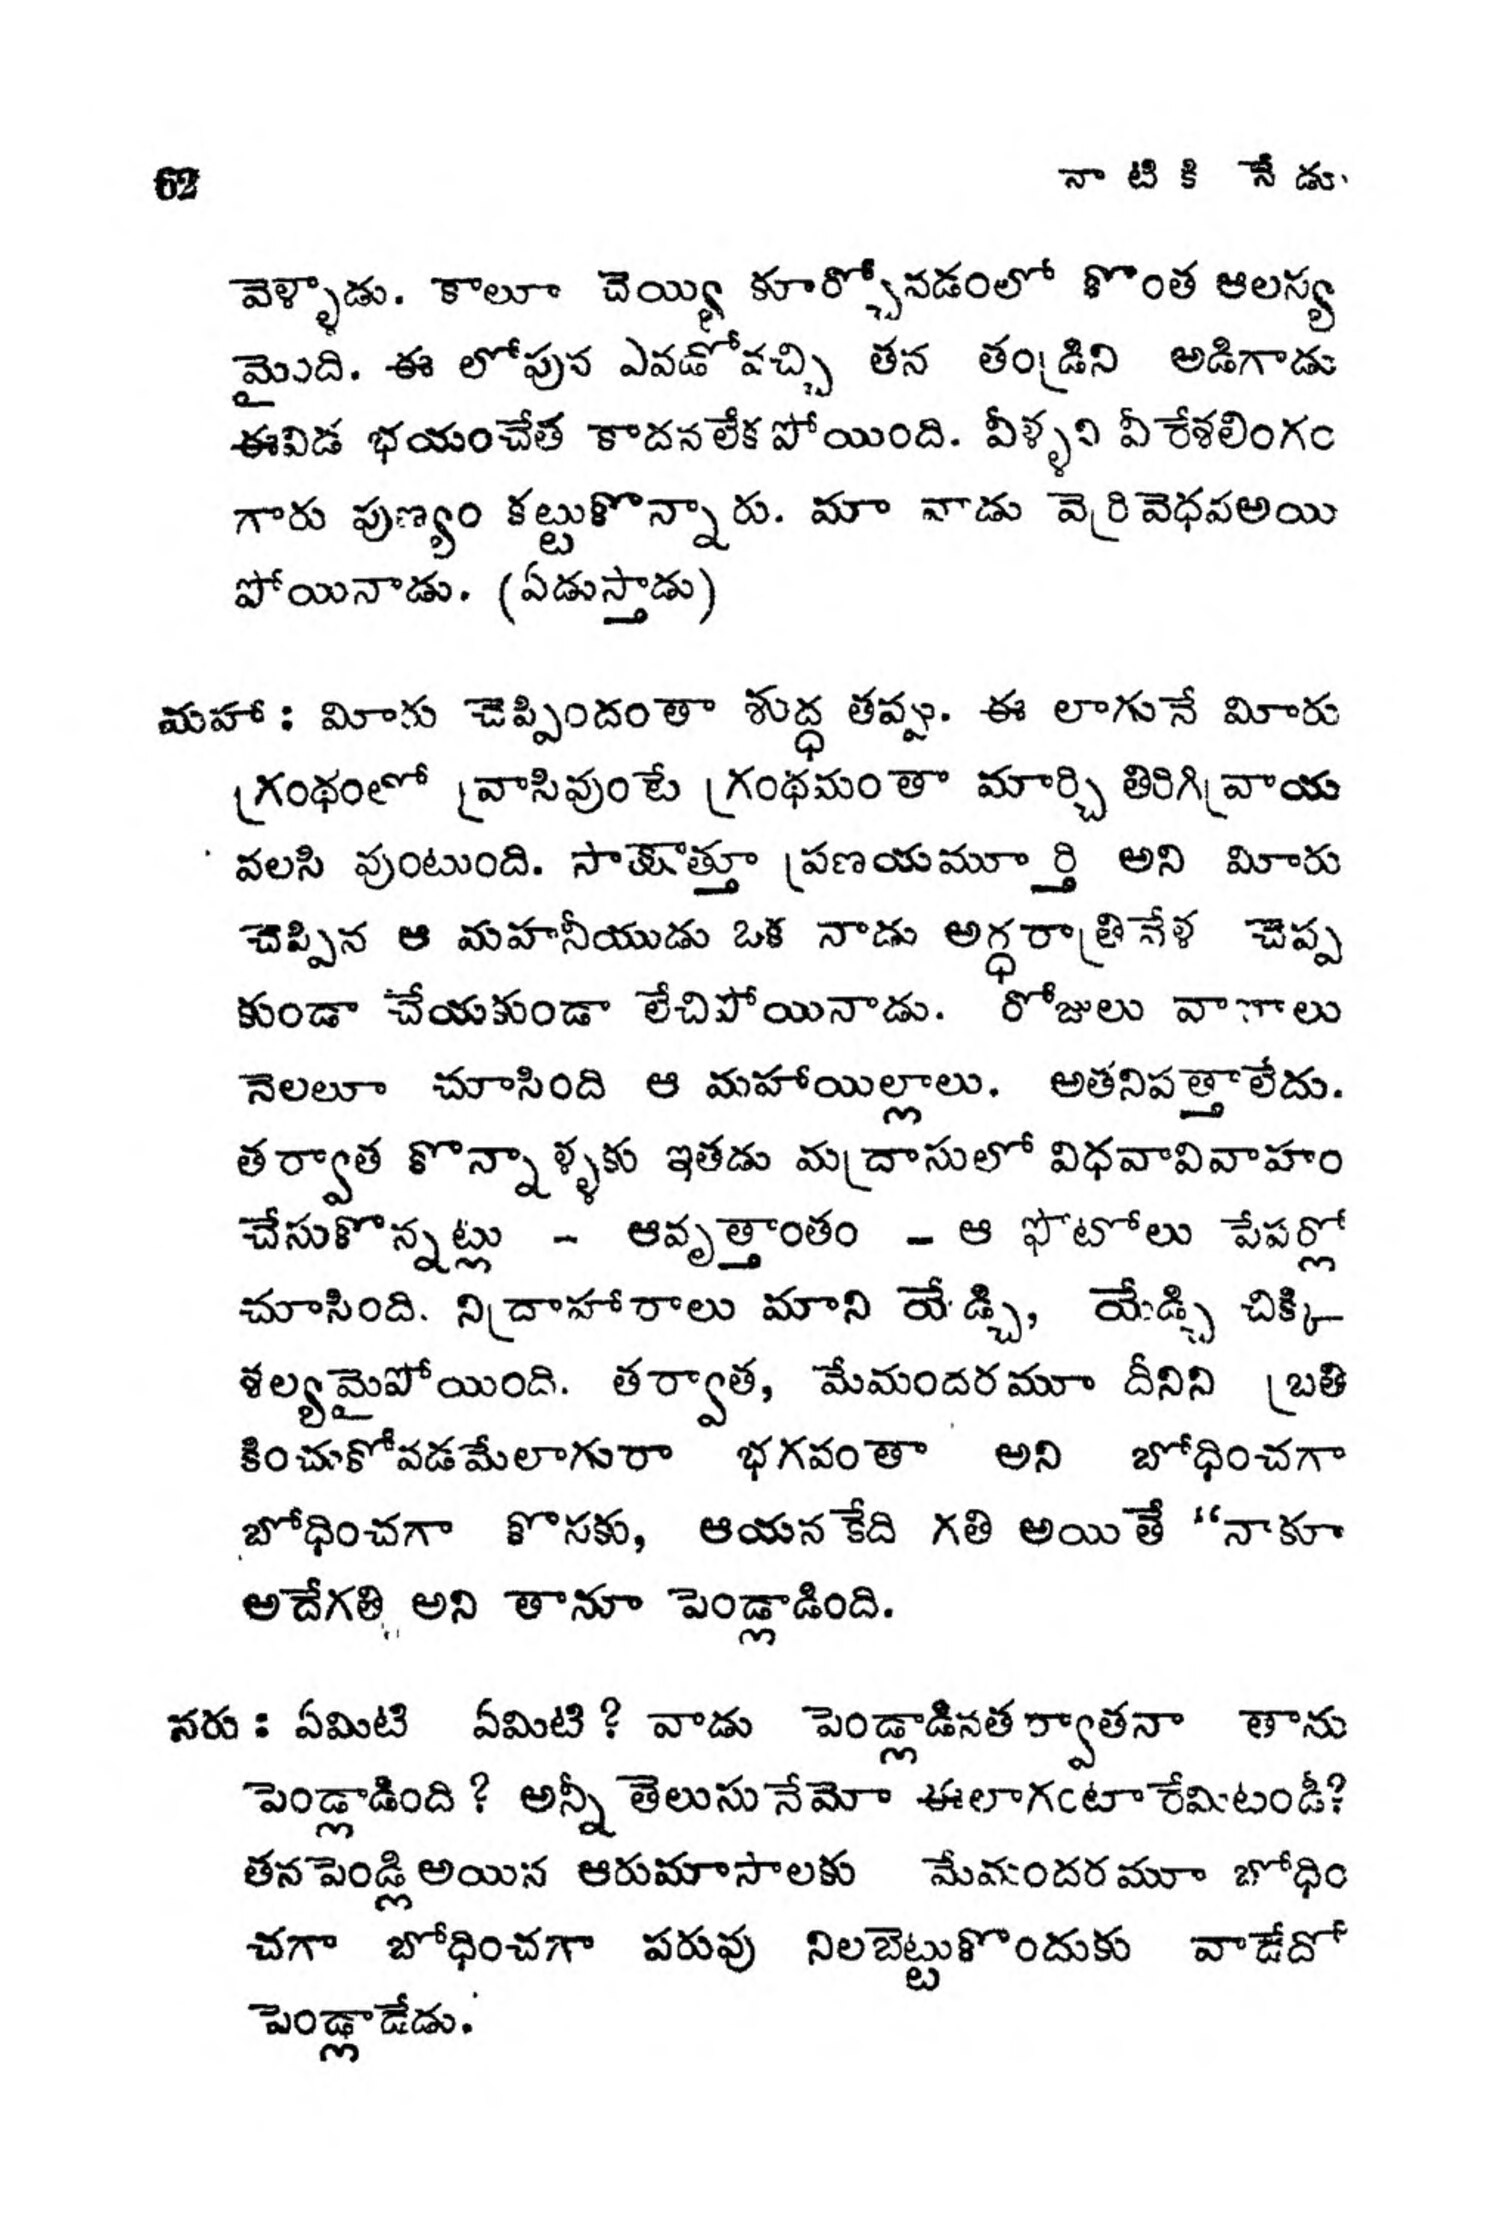వెళ్ళాడు. కాలూ చెయ్యి కూర్చోవడంలో కొంత ఆలస్యమైంది. ఈ లోపున ఎవడో వచ్చి తన తండ్రిని అడిగాడు ఈవిడ భయంచేత కాదనలేక పోయింది. వీళ్ళని వీరేశలింగంగారు పుణ్యం కట్టుకొన్నారు. మా వాడు వెర్రి వెధవఅయి
పోయినాడు. (ఏడుస్తాడు)

మహా : విూరు చెప్పిందంతా శుద్ధ తప్పు. ఈ లాగునే మీరు గ్రంథంలో వ్రాసివుంటే గ్రంథమంతా మార్చి తిరిగివ్రాయ
వలసి వుంటుంది. సాక్షాత్తూ ప్రణయమూర్తి అని మీరు చెప్పిన ఆ మహనీయుడు ఒక నాడు అర్ధరాత్రివేళ చెప్పకుండా చేయకుండా లేచిపోయినాడు. రోజులు వారాలు నెలలూ చూసింది ఆ మహాయిల్లాలు. అతనిపత్తాలేదు. తర్వాత కొన్నాళ్ళకు ఇతడు మద్రాసులో విధవావివాహం చేసుకొన్నట్లు - ఆవృత్తాంతం - ఆ ఫొటోలు పేపర్లో చూసింది. నిద్రాహారాలు మాని యేడ్చి, యేడ్చి చిక్కి శల్యమైపోయింది. తర్వాత, మేమందరమూ దీనిని బ్రతికించుకోవడమేలాగురా భగవంతా అని బోధించగా బోధించగా కొసకు, ఆయనకేది గతి అయితే “నాకూ అదేగతి అని తానూ పెండ్లాడింది.

నరు : ఏమిటి ఏమిటి ? వాడు పెండ్లాడినతర్వాతనా తాను పెండ్లాడింది ? అన్నీ తెలుసునేమో ఈలాగంటారేమిటండీ? తనపెండ్లిఅయిన ఆరుమాసాలకు మేమందరమూ బోధించగా బోధించగా పరువు నిలబెట్టుకొందుకు వాడేదో పెండ్లాడేడు.